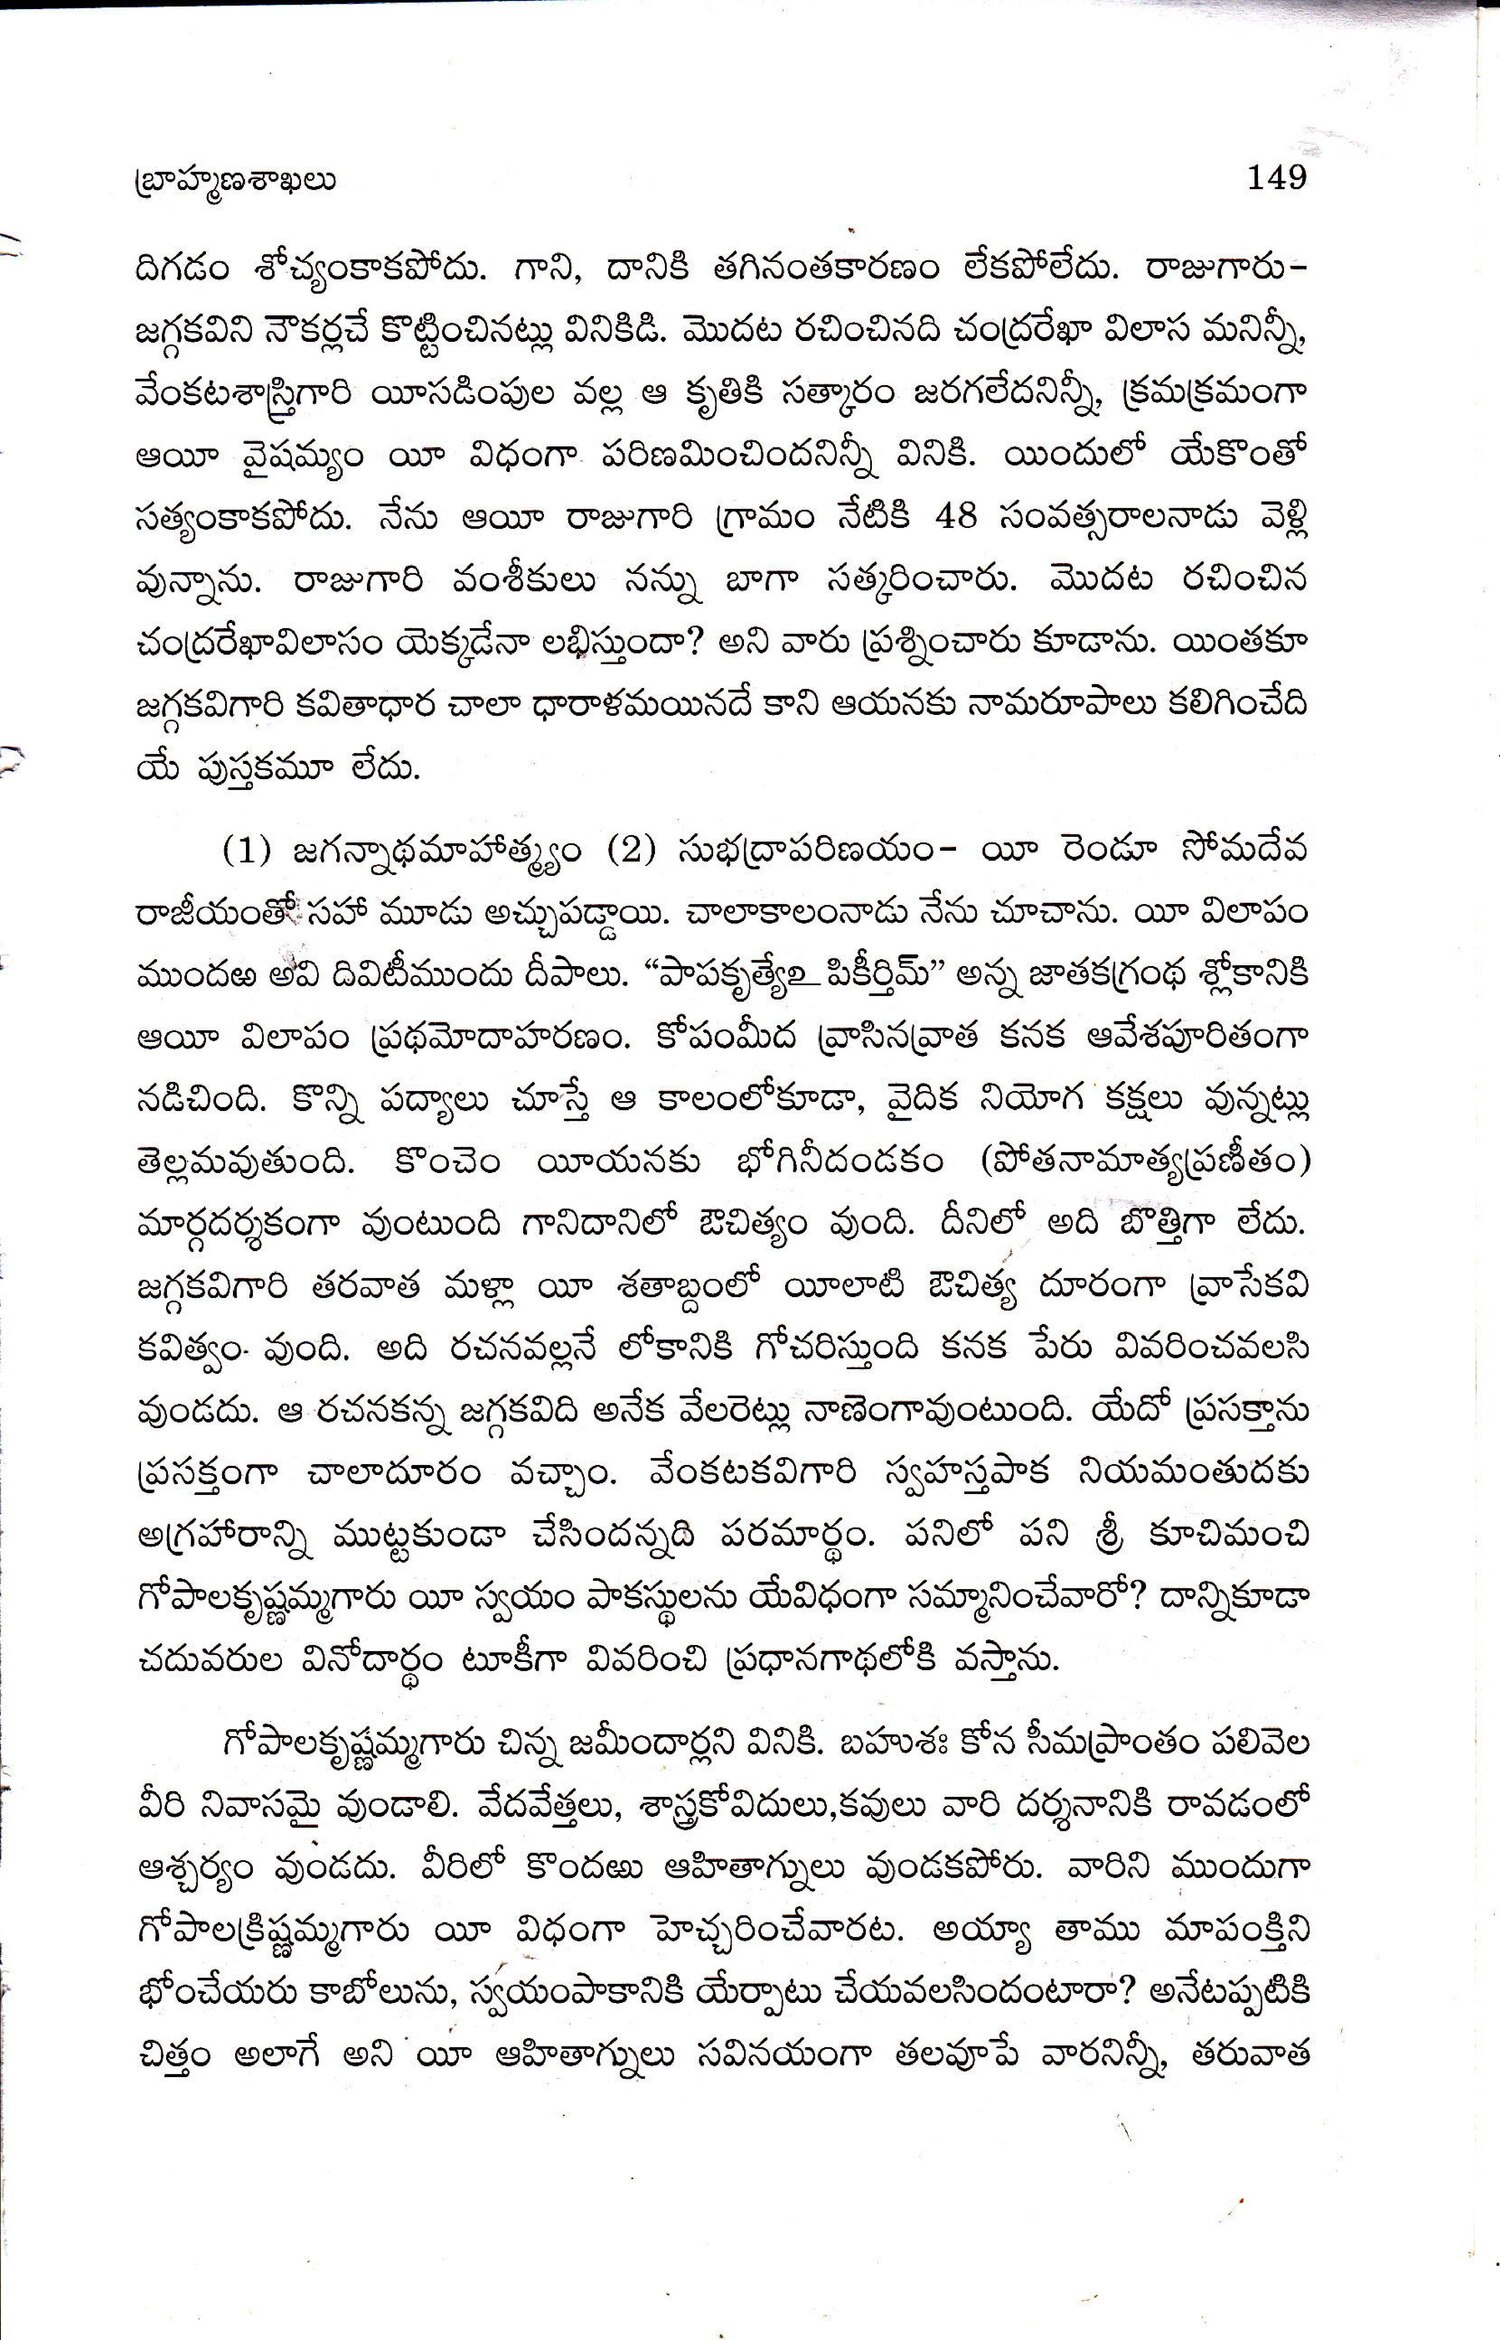దిగడం శోచ్యంకాకపోదు. గాని, దానికి తగినంతకారణం లేకపోలేదు. రాజుగారు జగ్గకవిని నౌకర్లచే కొట్టించినట్లు వినికిడి. మొదట రచించినది చంద్రరేఖా విలాస మనిన్నీ వేంకటశాస్త్రిగారి యీసడింపుల వల్ల ఆ కృతికి సత్కారం జరగలేదనిన్నీ క్రమక్రమంగా ఆయీ వైషమ్యం యీ విధంగా పరిణమించిందనిన్నీ వినికి. యిందులో యేకొంతో సత్యంకాకపోదు. నేను ఆయీ రాజుగారి గ్రామం నేటికి 48 సంవత్సరాలనాడు వెళ్లి వున్నాను. రాజుగారి వంశీకులు నన్ను బాగా సత్కరించారు. మొదట రచించిన చంద్రరేఖావిలాసం యొక్కడేనా లభిస్తుందా? అని వారు ప్రశ్నించారు కూడాను. యింతకూ జగ్గకవిగారి కవితాధార చాలా ధారాళమయినదే కాని ఆయనకు నామరూపాలు కలిగించేది యే పుస్తకమూ లేదు.

(1) జగన్నాథమాహాత్మ్యం (2) సుభద్రాపరిణయం- యీ రెండూ సోమదేవ రాజీయంతో సహా మూడు అచ్చుపడ్డాయి. చాలాకాలంనాడు నేను చూచాను. యీ విలాపం ముందఱ అవి దివిటీముందు దీపాలు. "పాపకృత్యే౽పికీర్తిమ్" అన్న జాతకగ్రంథ శ్లోకానికి ఆయీ విలాపం ప్రథమోదాహరణం. కోపంమీద వ్రాసినవ్రాత కనక ఆవేశపూరితంగా నడిచింది. కొన్ని పద్యాలు చూస్తే ఆ కాలంలోకూడా, వైదిక నియోగ కక్షలు వున్నట్లు తెల్లమవుతుంది. కొంచెం యీయనకు భోగినీదండకం (పోతనామాత్యప్రణీతం) మార్గదర్శకంగా వుంటుంది గానిదానిలో ఔచిత్యం వుంది. దీనిలో అది బొత్తిగా లేదు. జగ్గకవిగారి తరవాత మళ్లా యీ శతాబ్దంలో యీలాటి ఔచిత్య దూరంగా వ్రాసేకవి కవిత్వం వుంది. అది రచనవల్లనే లోకానికి గోచరిస్తుంది కనక పేరు వివరించవలసి వుండదు. ఆ రచనకన్న జగ్గకవిది అనేక వేలరెట్లు నాణెంగావుంటుంది. యేదో ప్రసక్తాను ప్రసక్తంగా చాలాదూరం వచ్చాం. వేంకటకవిగారి స్వహస్తపాక నియమంతుదకు అగ్రహారాన్ని ముట్టకుండా చేసిందన్నది పరమార్థం. పనిలో పని శ్రీ కూచిమంచి గోపాలకృష్ణమ్మగారు యీ స్వయం పాకస్థులను యేవిధంగా సమ్మానించేవారో? దాన్నికూడా చదువరుల వినోదార్థం టూకీగా వివరించి ప్రధానగాథలోకి వస్తాను.

గోపాలకృష్ణమ్మగారు చిన్న జమీందార్లని వినికి. బహుశః కోన సీమప్రాంతం పలివెల వీరి నివాసమై వుండాలి. వేదవేత్తలు, శాస్త్రకోవిదులు,కవులు వారి దర్శనానికి రావడంలో ఆశ్చర్యం వుండదు. వీరిలో కొందఱు ఆహితాగ్నులు వుండకపోరు. వారిని ముందుగా గోపాలక్రిష్ణమ్మగారు యీ విధంగా హెచ్చరించేవారట. అయ్యా తాము మాపంక్తిని భోంచేయరు కాబోలును. స్వయంపాకానికి యేర్పాటు చేయవలసిందంటారా? అనేటప్పటికి చిత్తం అలాగే అని యీ ఆహితాగ్నులు సవినయంగా తలవూపే వారనిన్నీ తరువాత